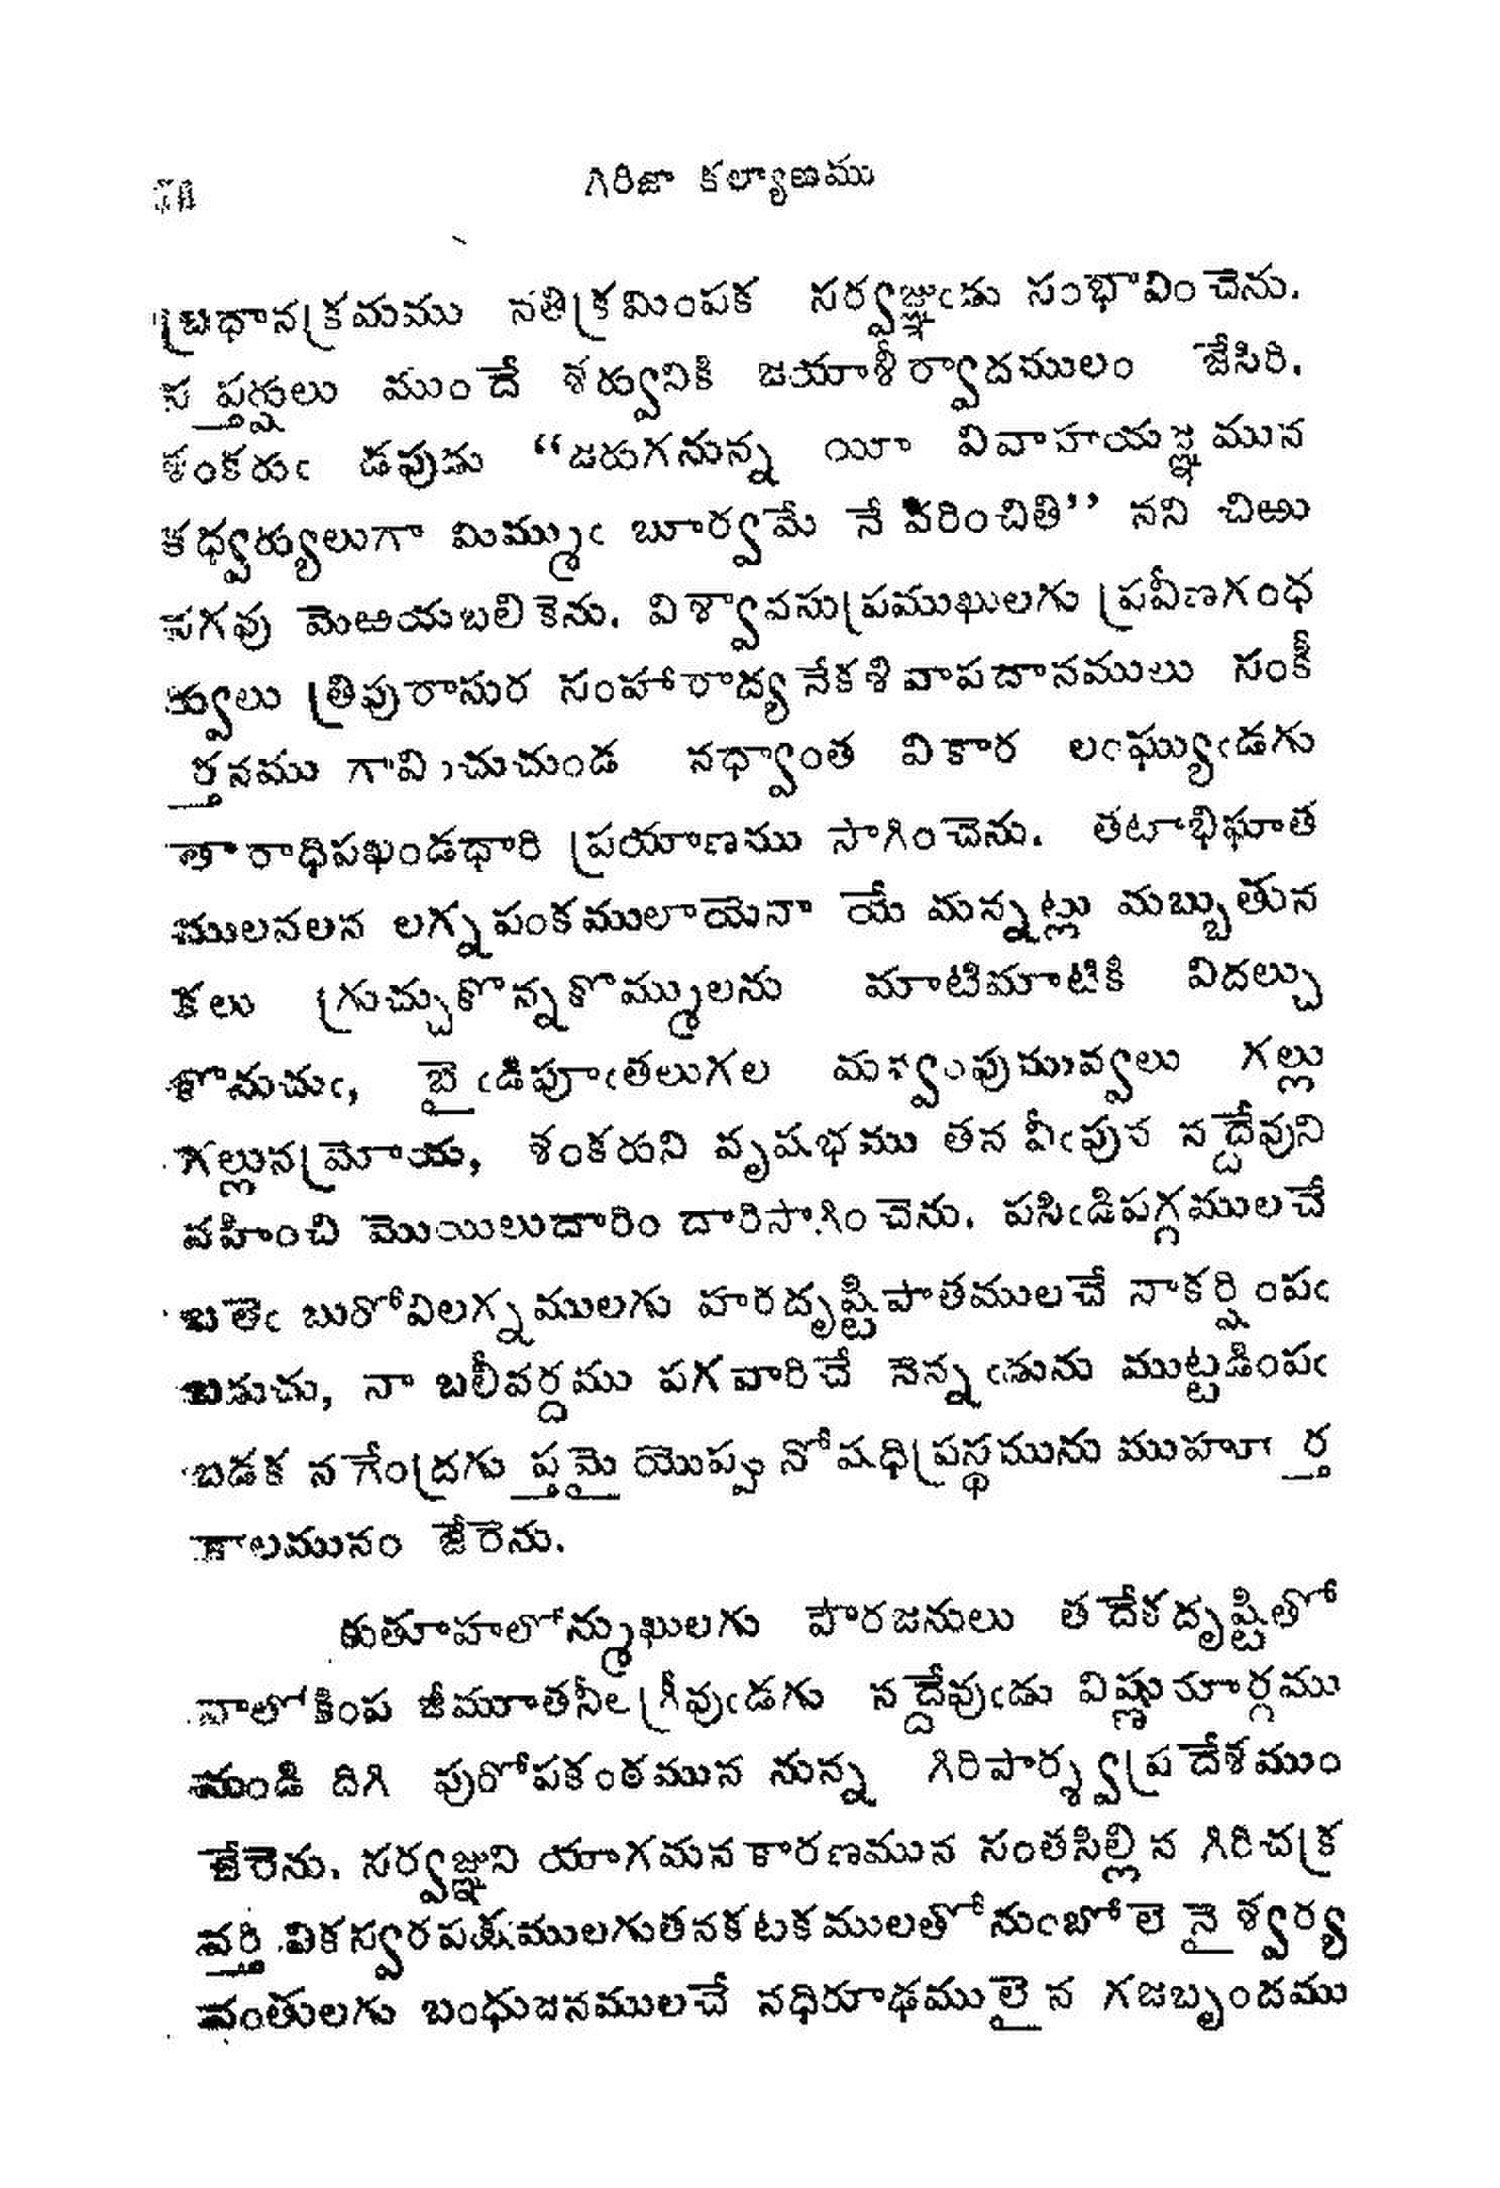బ్రధానక్రమము నతిక్రమింపక సర్వజ్ఞుఁడు సంభావించెను. సప్తర్షులు ముందే శర్వునికి జయాశీర్వాదములం జేసిరి.
శంకరుఁ డపుడు "జరుగనున్న యీ వివాహయజ్ఞమున కధ్వర్యులుగా మిమ్ముఁ బూర్వమే నే వరించితి" నని చిఱునగవు మెఱయబలికెను. విశ్వావసు ప్రముఖులగు ప్రవీణగంధక్వులు త్రిపురాసుర సంహారాద్య నేక శి వాపదానములు సంకీర్తనము గావించుచుండ నధ్వాంత వికార లఁఘ్యుఁడగు తారాధిపఖండధారి ప్రయాణము సాగించెను. తటాభిఘాతములవలన లగ్న పంకములాయెనా యే మన్నట్లు మబ్బుతునకలు గ్రుచ్చుకొన్న కొమ్ములను మాటిమాటికి విదల్చు కొనుచుఁ, బైఁడిపూఁతలు గల మశ్వం పుమువ్వలు గల్లు గల్లునమ్రోయ, శంకరుని వృషభము తన వీఁపున నద్దేవుని వహించి మొయిలుదారిం దారిసాగించెను. పసిఁడిపగ్గములచే బలెఁ బురోవిలగ్నములగు హరదృష్టిపాతములచే నాకర్షింపఁ బడుచు, నా బలీవర్దము పగ వారిచే నెన్నఁడును ముట్టడింపఁ బడక నగేంద్రగుప్తమై యొప్పు నోషధి ప్రస్థమును ముహూర్త కాలమునం జేరెను.

కుతూహలోన్ముఖులగు పౌరజనులు తదేకదృష్టితో నాలోకింప జీమూత నీలగ్రీవుఁడగు నద్దేవుఁడు విష్ణుమార్గము నుండి దిగి పురోపకంఠమున నున్న గిరిపార్శ్వప్రదేశముం జేరెను. సర్వజ్ఞుని యాగమన కారణమున సంతసిల్లిన గిరిచక్రవర్తి వికస్వరపక్షములగు తనకటకములతోనుఁబోలె నైశ్వర్య వంతులగు బంధుజనములచే నధిరూఢములైన గజబృందము